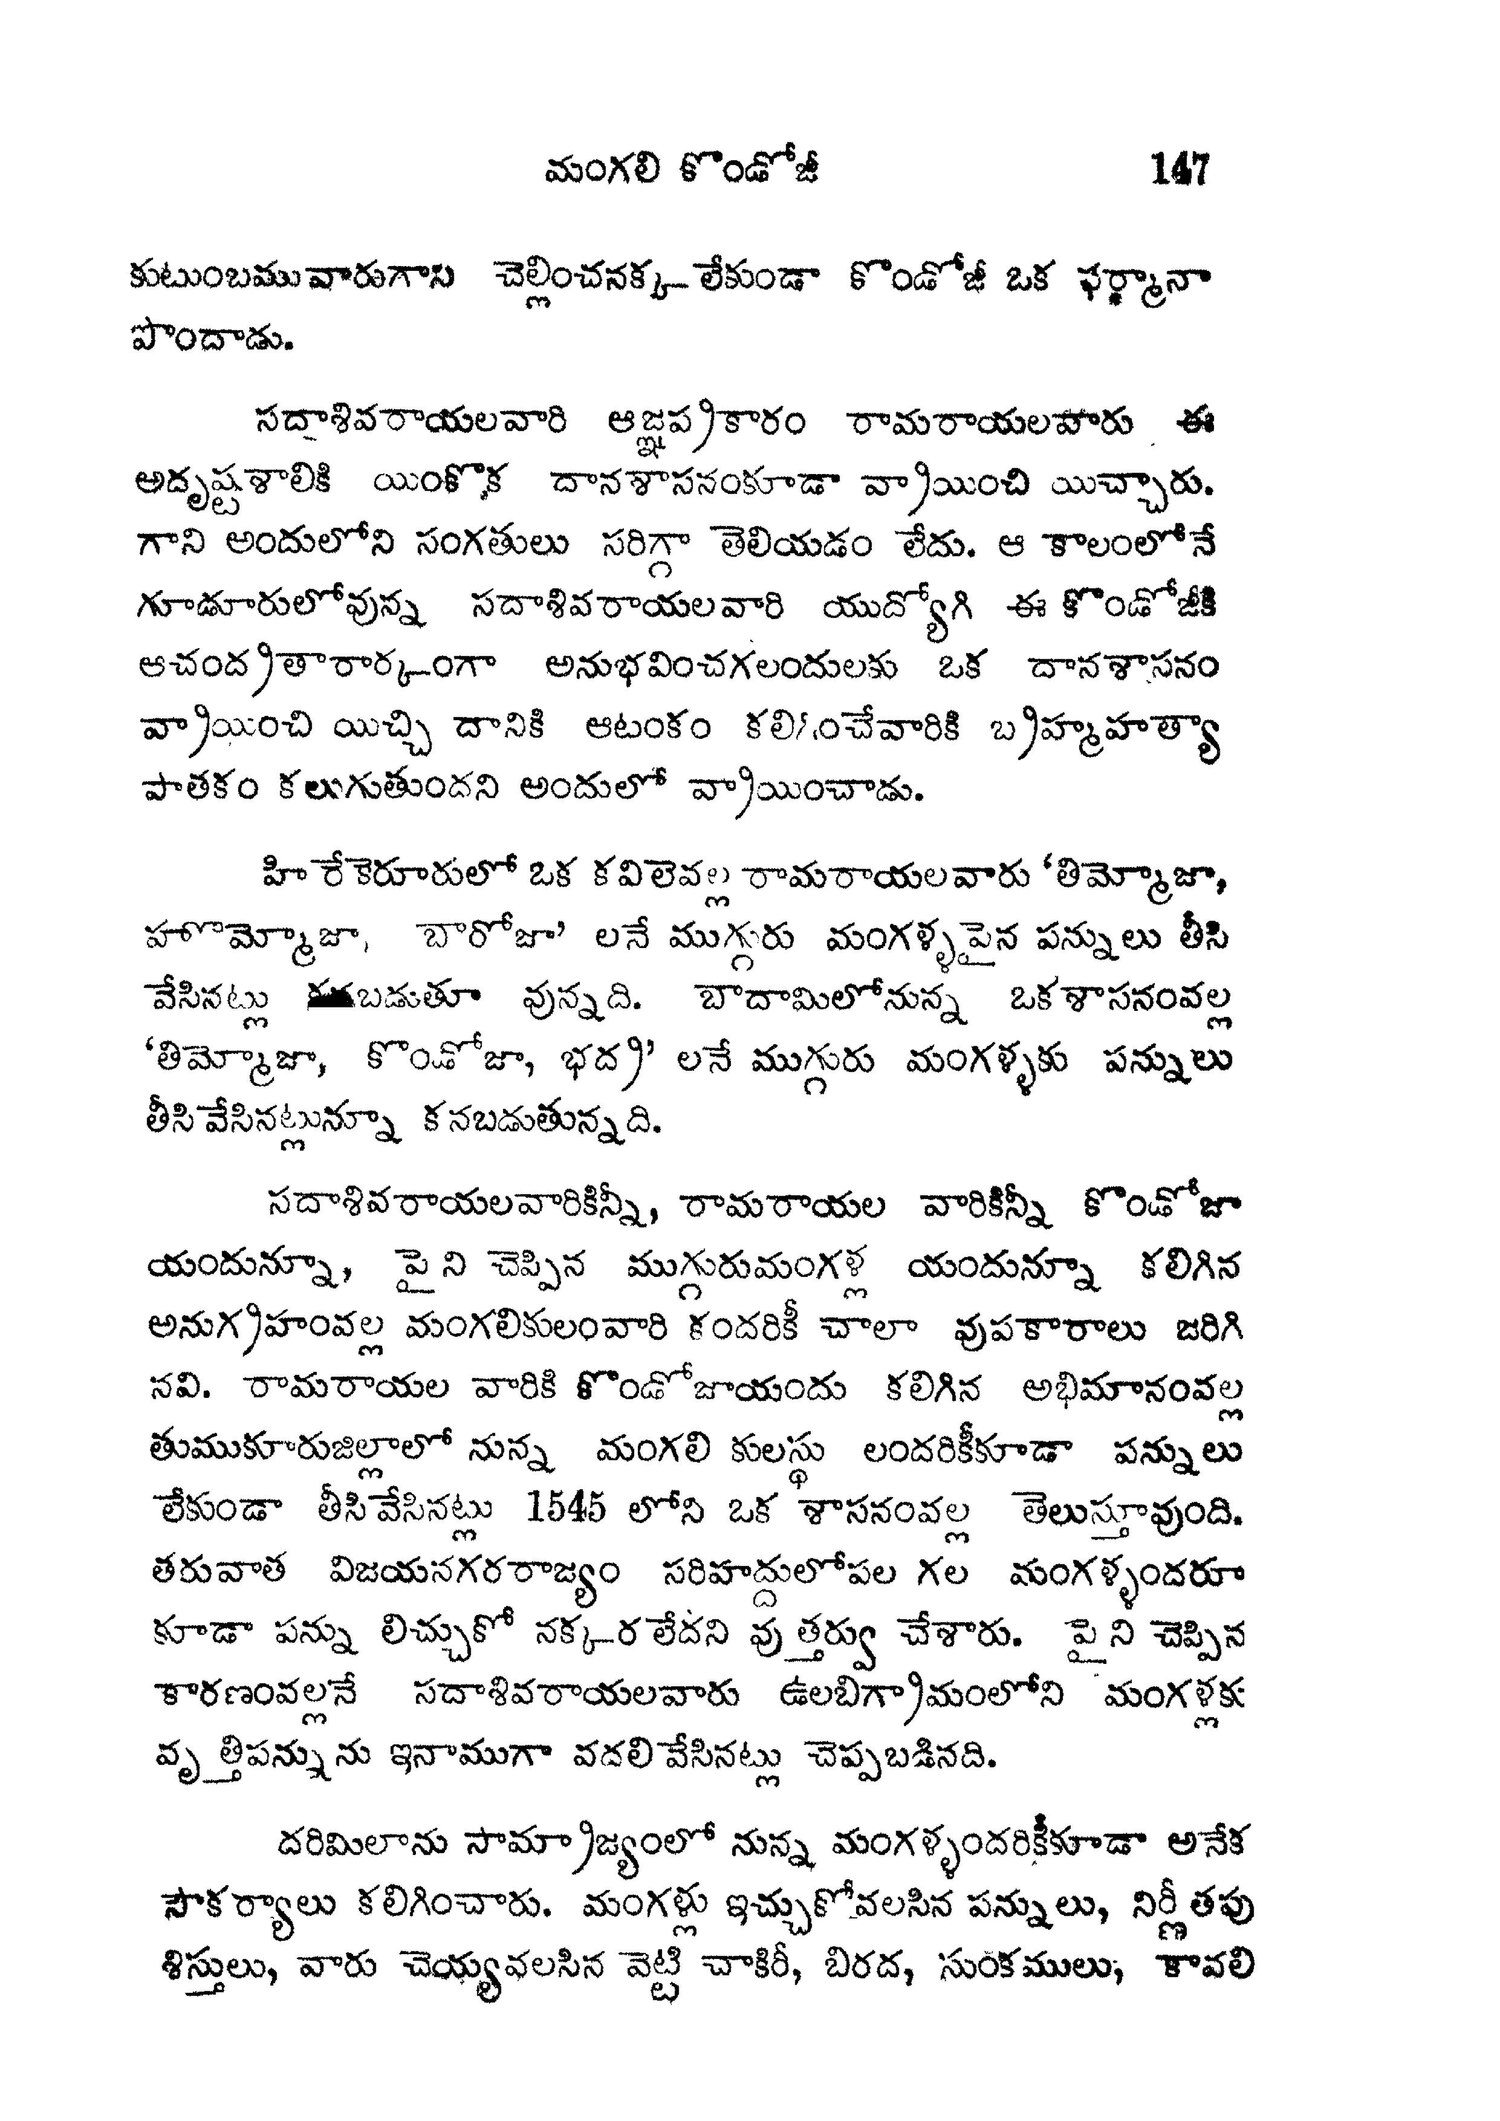కుటుంబమువారుగాని చెల్లించనక్కరలేకుండా కొండోజీ ఒక ఫర్మానా పొందాడు.

సదాశివరాయలవారి ఆజ్ఞప్రకారం రామరాయలవారు ఈ అదృష్ణశాలికి యుంకొక దానశాసనంకూడా రాయించి యిచ్చారు గాని అందులోని సంగతులు సరిగ్గా తెలియడం లేదు. ఆ కాలంలోనే గూడూరులో వున్న సదాశివరాయలవారి యుద్వోగి ఈ కొండోజికి ఆచంద్రతారార్కంగా అనుభవించగలందులకు ఒక దానశాసనం వ్రాయించి యిచ్చి దానికి ఆటంకం కలిగించేవారికి బ్రహ్మహత్యా పాతకం కలుగుతుందని అందులో వ్రాయించారు.

హీరేకెరూరులో ఒక కవిలెవల్ల రామరాయలవారు 'తిమ్మోజా, హోమ్మోజా, బారోజా ' లనే ముగ్గురు మంగళ్ళపైన పన్నులు తీసివేసినట్లు కనబడుతూ వున్నది. బాదామిలోనున్న ఒకశాసనంవల్ల 'తిమ్మోజా, కొండోజా, భద్ర లనే మొగ్గురు మంగళ్ళకు పన్నులు తీసివేసినట్లున్నూ కనబడుతున్నది.

సదాశివరాయలావారికిన్నీ, రామరాయలవారికిన్ని కొండోజీ యందున్నూ, పైన చెప్పిన ముగ్గురుమంగళ్ల యందున్నూ కలిగిన అనుగ్రహంవల్ల మంగలికులంవారి కందరికీ చాలా వుపకారాలు జరిగినవి. రామరాయల వారికి కొండోజాయందు కలిగిన అభిమానంవల్ల తుముకూరుజిల్లాలో నున్న మంగలి కులస్థు లందరికీకూడా పన్నులు లేకుండా తీసివేసినట్లు 1545 లోని ఒక శాసనంవల్ల తెలుస్తూవుంది. తరువాత విజయనగరరాజ్యం సరిహద్దులోపల గల మంగళ్లందరూ కూడా పన్ను లిచ్చుకో నక్కరలేదని వుత్తర్వు చేశారు. పైని చెప్పిన కారణంవల్లనే సదాశివరాయలవారు ఉలబి గ్రామంలోని మంగళ్లకు వృత్తిపన్నును ఇనాముగా వదలివేసినట్లు చెప్పబడినది.

దరిమిలాను సామ్రాజ్యంలో నున్న మంగళ్లందరికీకూడా అనేక సౌకర్యాలు కలిగించారు. మంగళ్లు ఇచ్చుకోవలసిన పన్నులు, నిర్ణీతపు శిస్తులు, వారు చెయ్యవలసిన వెట్టి చాకిరీ, బిరద, సుంకములు, కావలి